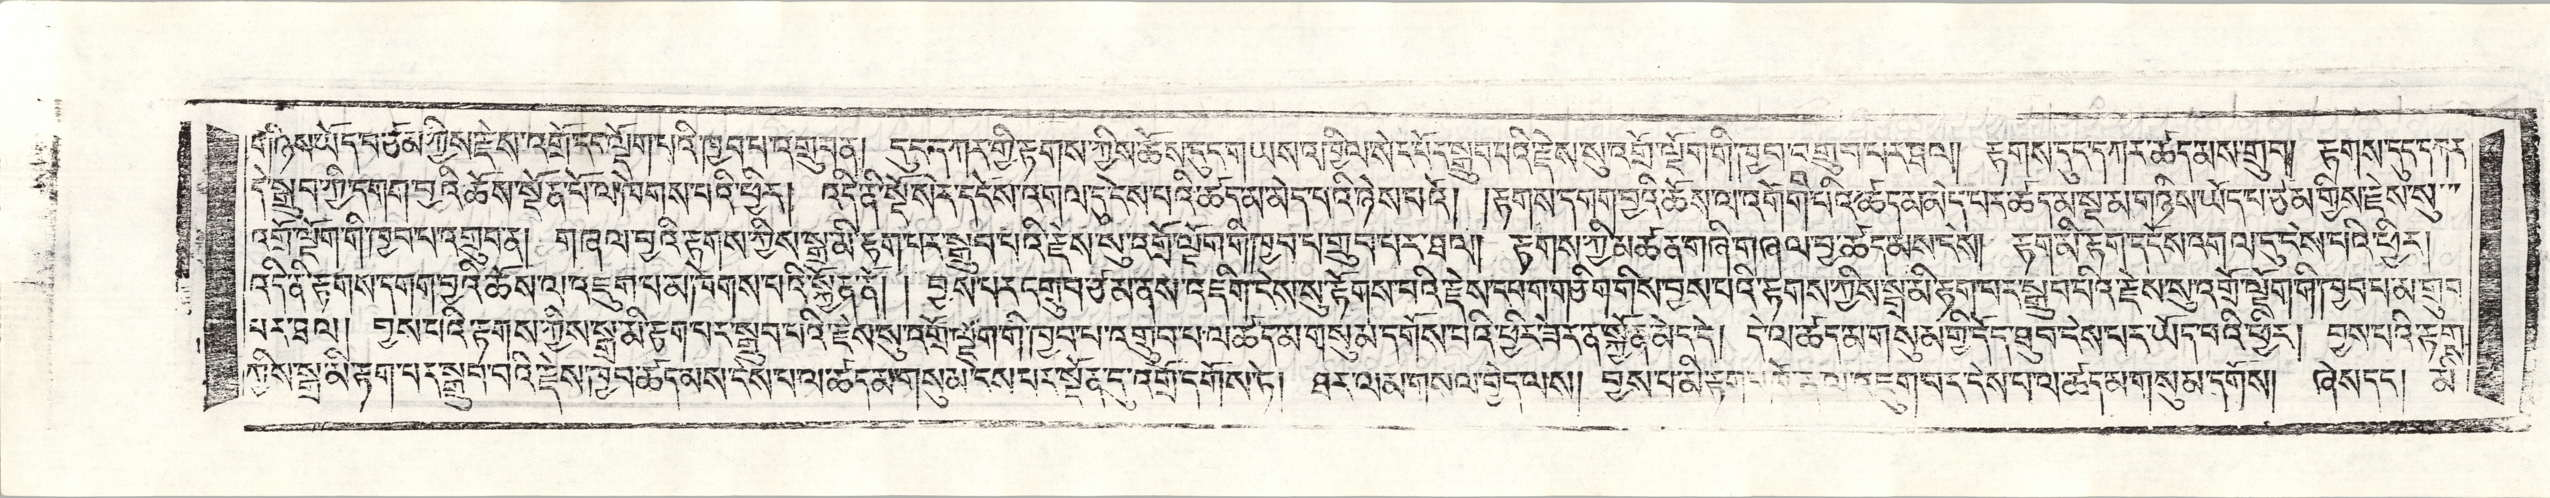གཉིས་ཡོད་པ་ཙམ་གྱིས་རྗེས་འགྲོ་དང་ལྡོག་པའི་ཁྱབ་པ་འགྲུབ་ན། དུང་དཀར་གྱི་རྟགས་ཀྱིས་ཆོས་དུང་གཡས་འཁྱིལ་སེར་པོར་སྒྲུབ་པའི་རྗེས་སུ་འགྲོ་ལྡོག་གི་ཁྱབ་པ་འགྲུབ་པར་ཐལ། རྟགས་དུང་དཀར་ཚད་མས་གྲུབ། རྟགས་དུང་དཀར་
དེ་སྒྲུབ་ཀྱི་དགག་བྱའི་ཆོས་སྔོན་པོ་ལ་ཁེགས་པའི་ཕྱིར། འདི་ནི་སྡོ་སེར་དངོས་འགལ་དུ་ངེས་པའི་ཚད་མ་མེད་པའི་ཉེས་པའོ། །རྟགས་དགག་བྱའི་ཆོས་ལ་འགོག་པའི་ཚད་མ་མེད་པར་ཚད་མ་སྔ་མ་གཉིས་ཡོད་པ་ཙམ་གྱིས་རྗེས་སུ་
འགྲོ་ལྡོག་གི་ཁྱབ་པ་འགྲུབ་ན། གཞལ་བྱའི་རྟགས་ཀྱིས་སྒྲ་མི་རྟག་པར་སྒྲུབ་པའི་རྗེས་སུ་འགྲོ་ལྡོག་གི་ཁྱབ་པ་གྲུབ་པར་ཐལ། རྟགས་ཀྱི་མཚན་གཞི་གཞལ་བྱ་ཚད་མས་ངེས། རྟག་མི་རྟག་དངོས་འགལ་དུ་ངེས་པའི་ཕྱིར།
འདི་ནི་རྟགས་དགག་བྱའི་ཆོས་ལ་འཇུག་པ་མ་ཁེགས་པའི་སྐྱོན་ནོ། །བྱས་པ་རང་གྲུབ་ཙམ་ནས་འཇིག་ངེས་སུ་རྟོགས་པའི་རྗེས་དཔག་གཅིག་གིས་བྱས་པའི་རྟགས་ཀྱིས་སྒྲ་མི་རྟག་པར་སྒྲུབ་པའི་རྗེས་སུ་འགྲོ་ལྡོག་གི་ཁྱབ་པ་མ་གྲུབ་
པར་ཐལ། བྱས་པའི་རྟགས་ཀྱིས་སྒྲ་མི་རྟག་པར་སྒྲུབ་པའི་རྗེས་སུ་འགྲོ་ལྡོག་གི་ཁྱབ་པ་འགྲུབ་པ་ལ་ཚད་མ་གསུམ་དགོས་པའི་ཕྱིར་ཟེར་ན་སྐྱོན་མེད་དེ། དེ་ལ་ཚད་མ་གསུམ་གྱི་དོད་ཐུབ་ངེས་པར་ཡོད་པའི་ཕྱིར། བྱས་པའི་རྟགས་
ཀྱིས་སྒྲ་མི་རྟག་པར་སྒྲུབ་པའི་རྗེས་ཁྱབ་ཚད་མས་ངེས་པ་ལ་ཚད་མ་གསུམ་ངེས་པར་སྔོན་དུ་འགྲོ་དགོས་ཏེ། ཐར་ལམ་གསལ་བྱེད་ལས། བྱས་པ་མི་རྟག་པ་ཁོ་ན་ལ་འཇུག་པར་ངེས་པ་ལ་ཚད་མ་གསུམ་དགོས། ཞེས་དང་། མི་